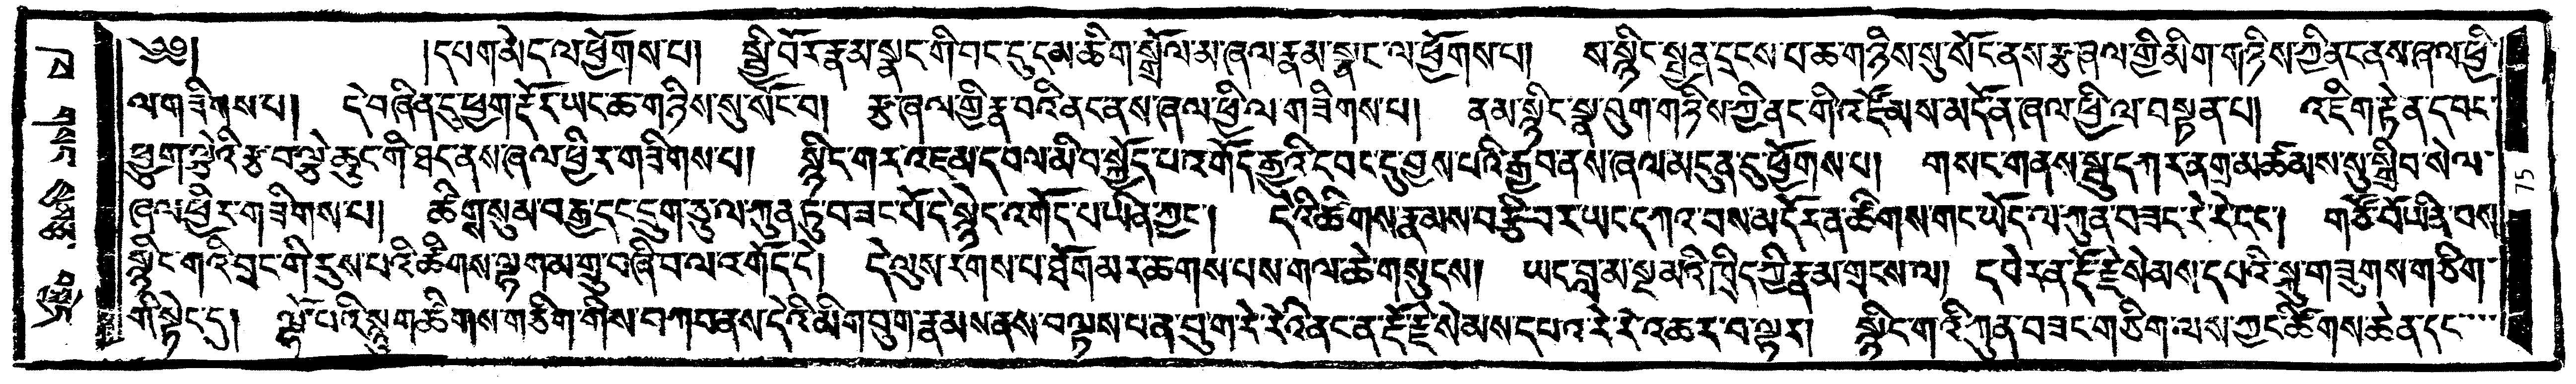༄༅། །དཔག་མེད་ལ་ཕྱོགས་པ། སྤྱི་བོར་རྣམ་སྣང་གི་གང་དུ་དམ་ཚིག་སྒྲོལ་མ་ཞལ་རྣམ་སྣང་ལ་ཕྱོགས་པ། ས་སྙིང་སྤྱན་དྲངས་པ་ཆ་གཉིས་སུ་སོང་ནས་རྩ་ཞལ་གྱི་མིག་གཉིས་ཀྱི་ནང་ནས་ཞལ་ཕྱི་
ལ་གཟིགས་པ། དེ་བཞིན་དུ་ཕྱག་རྡོར་ཡང་ཆ་གཉིས་སུ་སོང་བ། རྩ་ཞལ་གྱི་རྣ་བའི་ནང་ནས་ཞལ་ཕྱི་ལ་གཟིགས་པ། ནམ་སྙིང་སྣ་བུག་གཉིས་ཀྱི་ནང་གི་འཛོམས་མདོ་ན་ཞལ་ཕྱི་ལ་བསྟན་པ། འཇིག་རྟེན་དབང་
ཕྱུག་ལྕེའི་རྩ་བ་ལྕེ་ཆུང་གི་ཐང་ནས་ཞལ་ཕྱིར་གཟིགས་པ། སྙིང་གར་འཇམ་དཔལ་མི་བསྐྱོད་པ་འགོད་རྒྱུའི་དབང་དུ་བྱས་པའི་རྒྱབ་ནས་ཞལ་མདུན་དུ་ཕྱོགས་པ། གསང་གནས་སྤུ་དཀར་ནག་མཚམས་སུ་སྒྲིབ་སེལ་
ཞལ་ཕྱིར་གཟིགས་པ། ཚིགས་སུམ་བརྒྱ་དང་དྲུག་ཅུ་ལ་ཀུན་ཏུ་བཟང་པོ་དེ་སྙེད་འགོད་པ་ཡིན་ཀྱང་། དེའི་ཚིགས་རྣམས་བརྩི་བར་ཡང་དཀའ་བས་མདོར་ན་ཚིགས་གང་ཡོད་ལ་ཀུན་བཟང་རེ་རེ་དང་། གཙོ་བོ་ཡིན་བས་
སྙིང་གའི་བྲང་གི་རུས་པའི་ཚིགས་ལྷག་མ་གྲུ་བཞི་པ་ལ་འགོད་དེ། དེ་ལུས་རགས་པ་ཐོག་མར་ཆགས་པས་གལ་ཆེ་གསུངས། ཡང་བླ་མ་སྔ་མའི་ཁྲིད་ཀྱི་རྣམ་གྲངས་ལ། དཔེར་ན་རྡོ་རྗེ་སེམས་དཔའི་སྐུ་གཟུགས་གཅིག་
གི་སྟེང་དུ། ལྷོ་པའི་སྙུག་ཚིགས་གཅིག་གིས་བཀབ་ནས་དེའི་མིག་བུག་རྣམས་ནས་བལྟས་པ་ན་བུ་ག་རེ་རེའི་ནང་ན་རྡོ་རྗེ་སེམས་དཔའ་རེ་རེ་འཆར་བ་ལྟར། སྙིང་གའི་ཀུན་བཟང་གཅིག་ལས་ཀྱང་ཚིགས་ཆེན་དང་